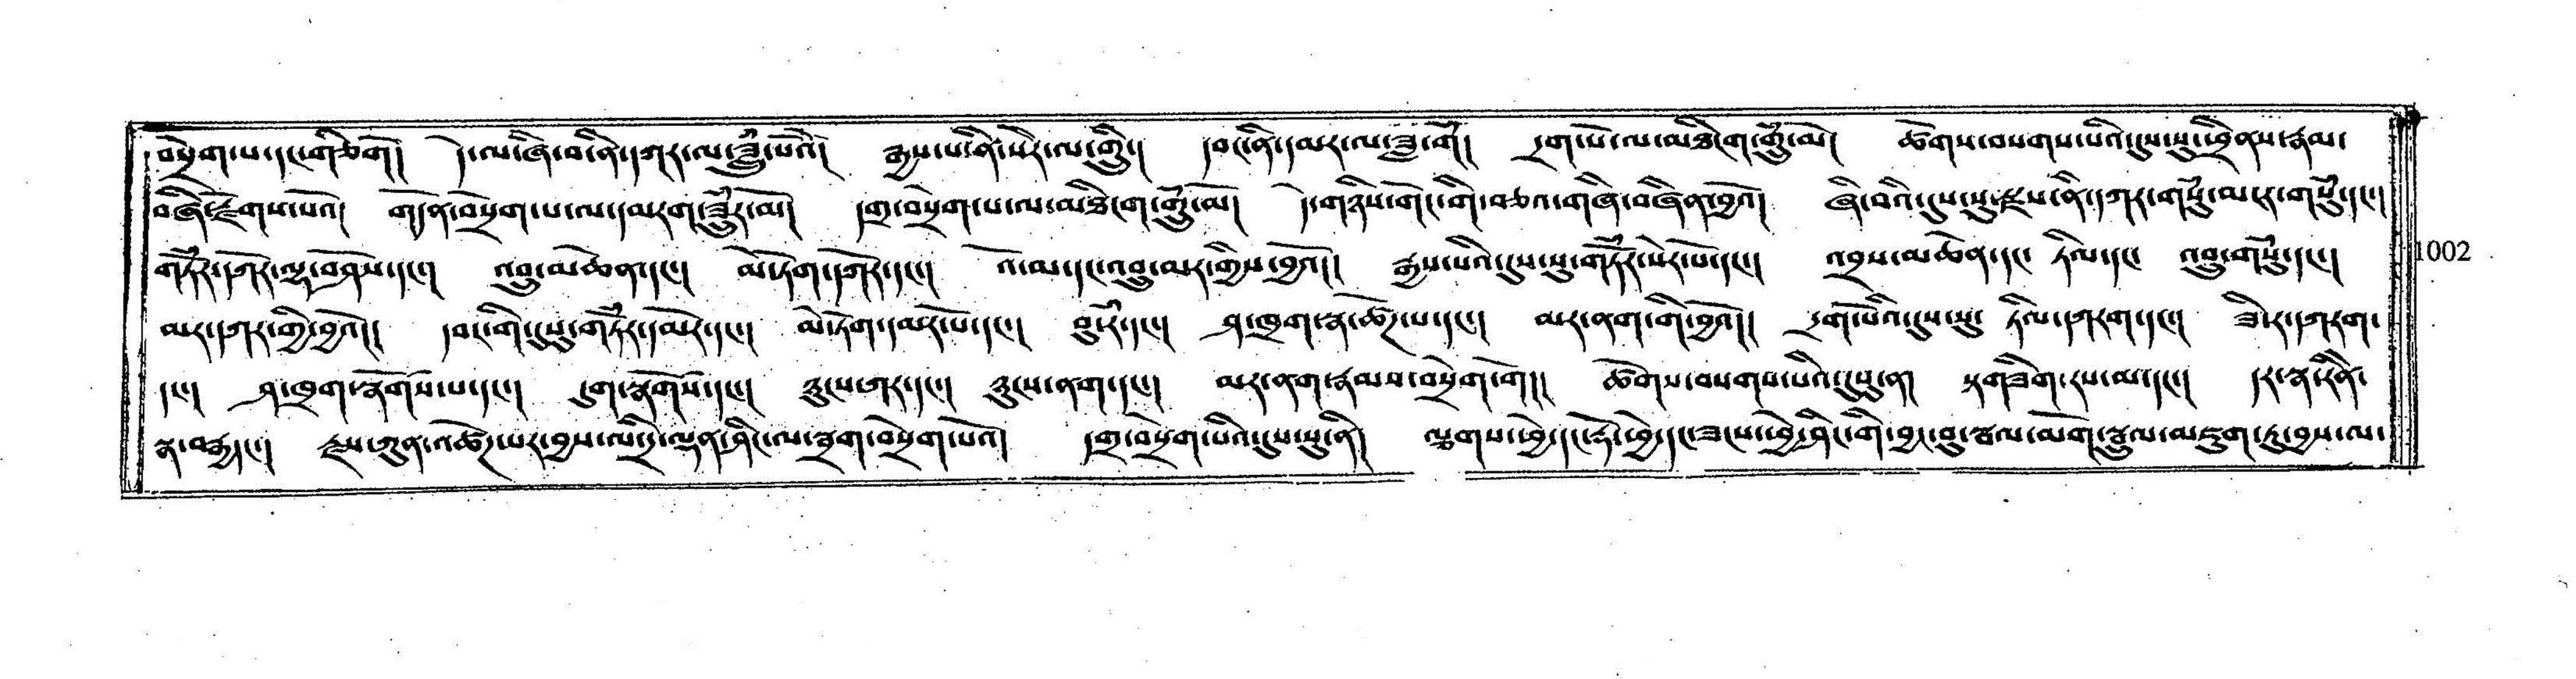བསྲེག་པ་དང་གཅིག་གོ དེ་ལ་ཞི་བ་ནི་དཀར་ལ་ཟླུམ་པའཾ། རྒྱས་པ་ནི་སེར་ལ་གྲུ་བཞི། དབང་ནི་དམར་ལ་ཟླ་གམ། དྲག་པོ་ལ་མཐིང་ནག་གྲུ་གསུམ་མོ། ཚོགས་བསགས་པའི་དུས་སུ་ཕྲིན་ལས་རྣམ་
བཞི་རྫོགས་པའོ། གདོན་བསྲེག་པ་ལ་དམར་ནག་ཟུར་གསུམ་མོ། དགྲ་བསྲེག་པ་ལ་མཐིང་ནག་གྲུ་གསུམ་མོ། དེ་གཉིས་གོང་གི་བཅའ་གཞི་བཞིན་བྱའོ། ཞི་བའི་དུས་སུ་རྫས་ནི་དཀར་གསུམ་མངར་གསུམ་དང་། 
གཏོར་མ་དཀར་པོ་ལྷ་བཤོས་དང་། འབྲུ་མཆན་དང་། མེ་ཏོག་དཀར་པོ་དང་། འོ་མ་དང་འབྲུ་མར་གྱིས་བྱའོ།། རྒྱས་པའི་དུས་སུ་གཏོར་མ་སེར་པོ་དང་། འབྲས་མཆན་དང་ཏིལ་དང་འབྲུ་གསུམ་དང་། 
མར་དཀར་གྱི་བྱའོ།། དབང་གི་དུས་སུ་གཏོར་མ་དམར་པོ་དང་། མེ་ཏོག་དམར་པོ་དང་། བུ་རཾ་དང་། ཤ་ཁྲག་སྣ་ཚོགས་པ་དང་། མར་ནག་གི་བྱའོ།། དྲག་པོའི་དུས་སུ་ཏིལ་དཀར་ནག་དང་། ཟི་ར་དཀར་ནག་
དང་། ཤ་ཁྲག་སྣ་ཚོགས་པ་དང་། དུག་སྣ་ཚོགས་དང་། ཉུངས་ཀར་དང་། ཉུངས་ནག་དང་། མར་ནག་རྣམས་བསྲེག་གོ།། ཚོགས་བསགས་པའི་དུས་སུ་ན། སྟག་གཟིགས་རས་མ་དང་། དར་སྣ་རིན་ཆེན་
སྣ་བརྒྱད་དང་། རྫས་ཀུན་འཚོགས་པར་བྱས་ལ་དྲི་ལྡན་ཤིང་ལ་སྦྲག་བསྲེག་པའོ། དགྲ་བསྲེག་པའི་དུས་སུ་ནི། ལྕགས་ཕྱེ་དང་རྡོ་ཕྱེ་དང་ཟངས་ཕྱེ་ཤིང་གི་བྱང་བུ་སྦལ་མགོ་སྦྲུལ་མཇུག་ཏུ་བྱས་ལ་